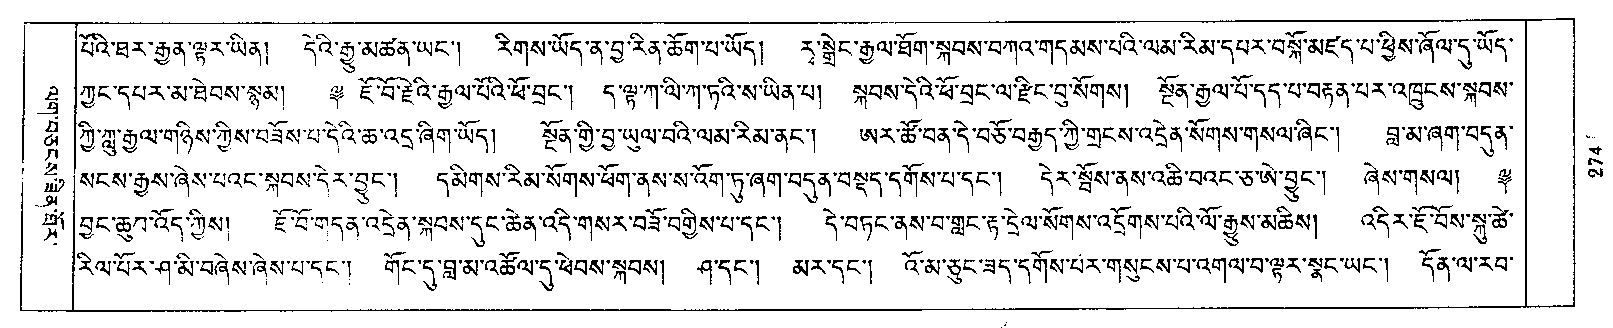པོའི་ཐར་རྒྱན་ལྟར་ཡིན། དེའི་རྒྱུ་མཚན་ཡང་། རིགས་ཡོད་ན་བྱ་རིན་ཆོག་པ་ཡོད། རྭ་སྒྲེང་རྒྱལ་ཐོག་སྐབས་བཀའ་གདམས་པའི་ལམ་རིམ་པར་བསྐོ་མཛད་པ་ཕྱིས་ཞོལ་དུ་ཡོད་
ཀྱང་དཔར་མ་ཐེབས་སྙམ། ༈ ཇོ་བོ་རྗེའི་རྒྱལ་པོའི་ཕོ་བྲང་། ད་ལྟ་ཀ་ལི་ཀ་ཏའི་ས་ཡིན་པ། སྐབས་དེའི་ཕོ་བྲང་ལ་རྫིང་བུ་སོགས། སྔོན་རྒྱལ་པོ་དད་པ་བརྟན་པར་འཁྲུངས་སྐབས་
ཀྱི་ཀླུ་རྒྱལ་གཉིས་ཀྱིས་བཟོས་པ་དེའི་ཆ་འདྲ་ཞིག་ཡོད། སྔོན་གྱི་བྱ་ཡུལ་བའི་ལམ་རིམ་ནང་། ཨར་ཚོ་བན་དེ་བཅོ་བརྒྱད་ཀྱི་གྲངས་འདྲེན་སོགས་གསལ་ཞིང་། བླ་མ་ཞག་བདུན་
སངས་རྒྱས་ཞེས་པའང་སྐབས་དེར་བྱུང་། དམིགས་རིམ་སོགས་ཕོག་ནས་ས་འོག་ཏུ་ཞག་བདུན་བསྡད་དགོས་པ་དང་། དེར་སྦོས་ནས་འཆི་བའང་ཅ་ཨེ་བྱུང་། ཞེས་གསལ། ༈
བྱང་ཆུབ་འོད་ཀྱིས། ཇོ་བོ་གདན་འདྲེན་སྐབས་དུང་ཆེན་འདི་གསར་བཟོ་བགྱིས་པ་དང་། དེ་བཏང་ནས་བ་གླང་རྟ་དྲེལ་སོགས་འདྲོགས་པའི་ལོ་རྒྱུས་མཆིས། འདིར་ཇོ་བོས་སྐུ་ཚེ་
རིལ་པོར་ཤ་མི་བཞེས་ཞེས་པ་དང་། གོང་དུ་བླ་མ་འཚོལ་དུ་ཕེབས་སྐབས། ཤ་དང་། མར་དང་། འོ་མ་ཅུང་ཟད་དགོས་པར་གསུངས་པ་འགལ་བ་ལྟར་སྣང་ཡང་། དོན་ལ་རབ་